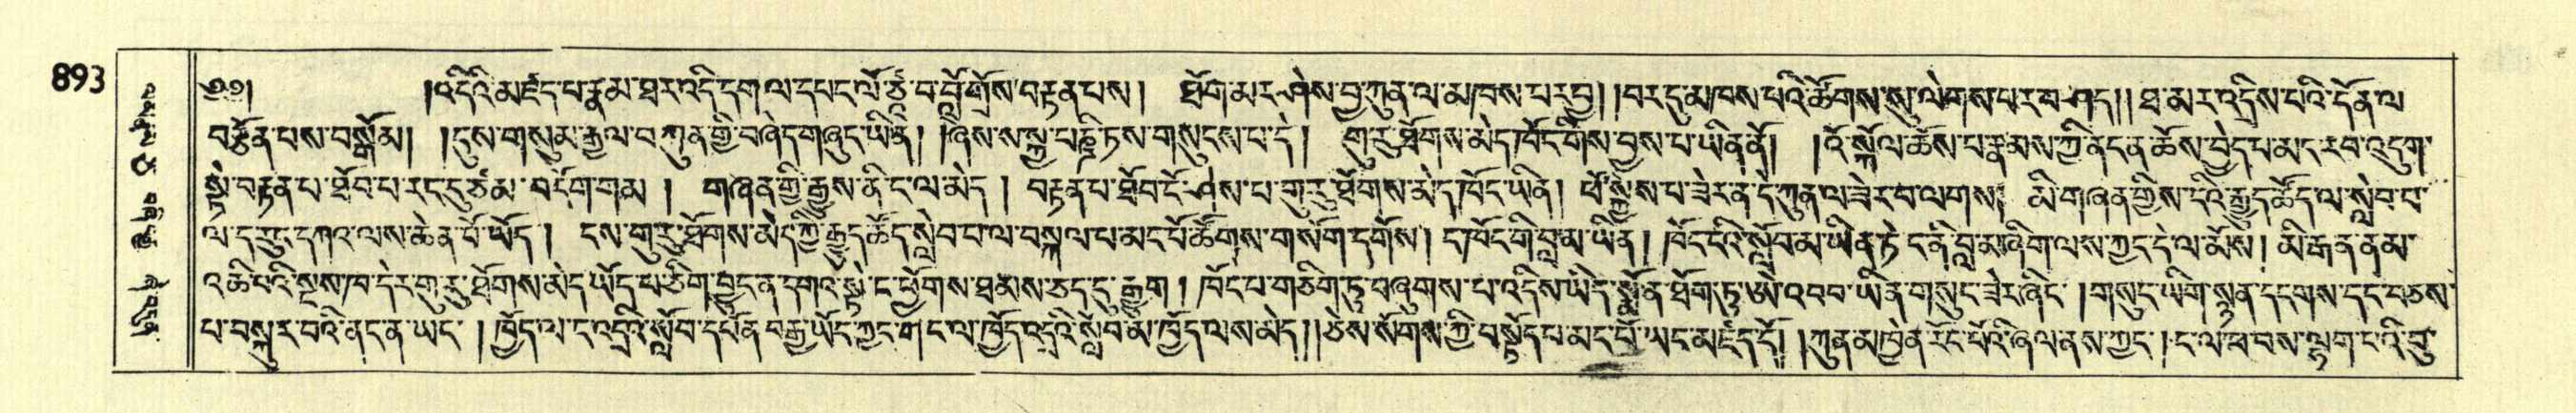༄༅། །འདིའི་མཛད་པ་རྣམ་ཐར་འདི་དག་ལ་དཔང་ལོ་ཙཱ་བ་བློ་གྲོས་བརྟན་པས། ཐོག་མར་ཤེས་བྱ་ཀུན་ལ་མཁས་པར་བྱ། །བར་དུ་མཁས་པའི་ཚོགས་སུ་ལེགས་པར་བཤད། །ཐ་མར་འདིས་པའི་དོན་ལ་
བརྩོན་པས་བསྒོམ། །དུས་གསུམ་རྒྱལ་བ་ཀུན་གྱི་བཞེད་གཞུང་ཡིན། །ཞེས་ས་སྐྱ་པཎྜི་ཏས་གསུངས་པ་དེ། གུ་རུ་ཐོགས་མེད་ཁོང་གིས་བྱས་པ་ཡིན་ནོ། །འོ་སྐོལ་ཆོས་པ་རྣམས་ཀྱི་ནང་ན་ཆོས་བྱེད་པ་མང་རབ་འདུག་
སྟེ་བརྟན་པ་ཐོབ་པ་རང་དུ་ཙམ་བདོག་གམ། གཞན་གྱི་རྒྱུས་ནི་ང་ལ་མེད། བརྟན་པ་ཐོབ་ངོ་ཤེས་པ་གུ་རུ་ཐོགས་མེད་ཁོང་ཡིན། ཕོ་སྐྱེས་པ་ཟེར་ན་དེ་ཀུན་ལ་ཟེར་བ་ལགས། མི་གཞན་གྱིས་ངའི་རྒྱུད་ཚོད་ལ་སླེབ་པ་
ལ་ད་རུང་དཀའ་ལས་ཆེན་པོ་ཡོད། ངས་གུ་རུ་ཐོགས་མེད་ཀྱི་རྒྱུད་ཚོད་སླེབ་པ་ལ་བསྐལ་པ་མང་པོ་ཚོགས་གསོག་དགོས། ང་ཁོང་གི་བླ་མ་ཡིན། ཁོང་ངའི་སློབ་མ་ཡིན་ཏེ་ང་ནི་བླ་མ་ཞིག་ལས་ཀྱང་དེ་ལ་མོས། མི་རྒན་ནམ་
འཆི་པའི་སྔས་ཁ་དེར་གུ་རུ་ཐོགས་མེད་ཡོད་པ་ཅིག་བྱུང་ན་དགའ་སྟེ་ང་ཕྱོགས་ཐམས་ཅད་དུ་རྒྱུག། ཁོང་པ་གཅིག་ཏུ་བཞུགས་པ་འདིས་ཡིད་སྨོན་ཐོག་ཏུ་ཨ་འབབ་ཡིན་གསུང་ཟེར་ཞིང་། གསུང་ཡིག་སྙན་དང་དངགས་དང་བཅས་
པ་བསྐུར་བའི་ནང་ན་ཡང་། ཁྱོད་ལ་ང་འདྲའི་སློབ་དཔོན་བརྒྱ་ཡོང་ཀྱང་གང་ལ་ཁྱོད་འདྲའི་སློབ་མ་ཁྱོད་ལས་མེད། །ཅེས་སོགས་ཀྱི་བསྟོད་པ་མང་པོ་ཡང་མཛད་དོ། །ཀུན་མཁྱེན་རོང་པོའི་ཞལ་ནས་ཀྱང་། ང་ལ་ཕ་བས་ལྷག་པའི་བུ་